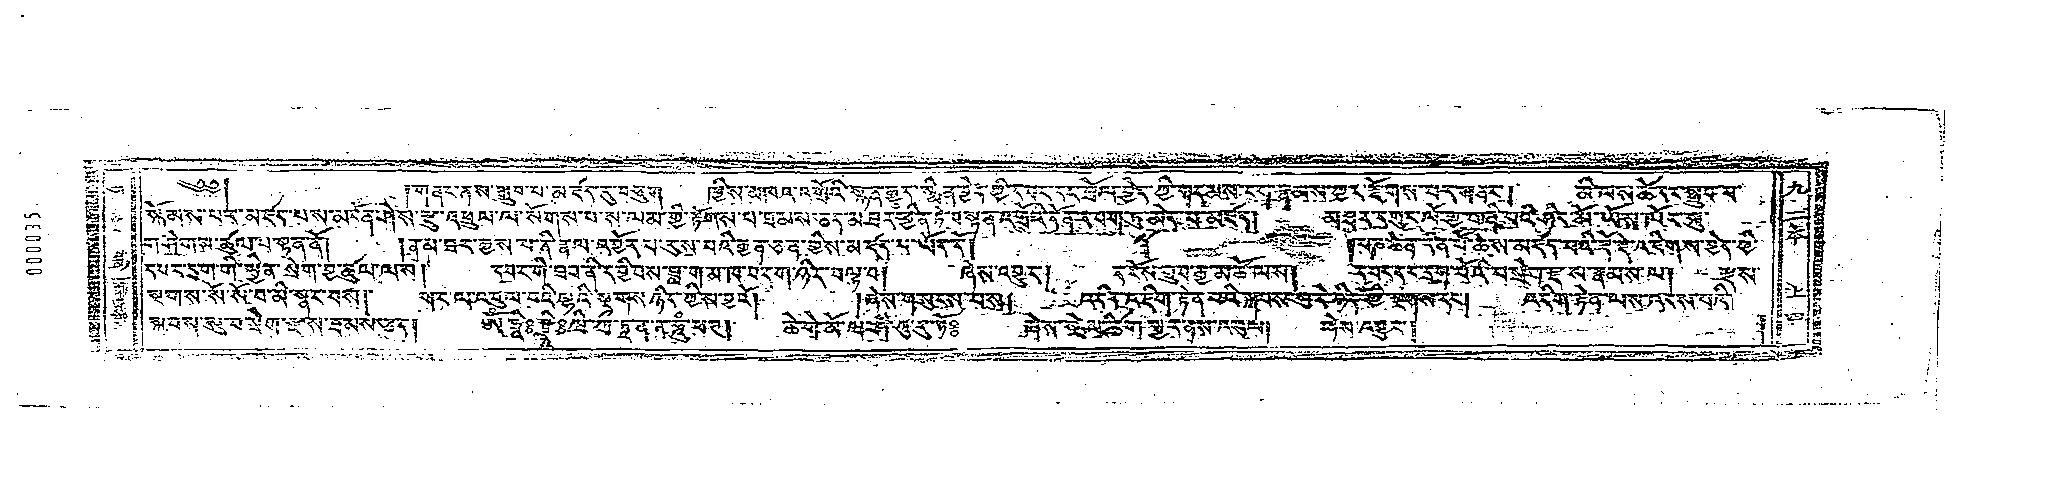༄༅། །གནང་ནས་སྒྲུབ་པ་མཛད་དུ་བཅུག །ཕྱིས་མཁའ་འགྲོའི་སྙན་རྒྱུད་སྨིན་བྱེད་ཀྱི་དབང་དང་གྲོལ་བྱེད་ཀྱི་གདམས་དག་རྣམས་ཀྱང་རྫོགས་པར་གནང་། མི་ལས་ཚེ་དང་སྒྲུབ་པ་
སྙོམས་པར་མཛད་པས་མངོན་ཤེས་རྫུ་འཕྲུལ་ལ་སོགས་པས་ལམ་གྱི་རྟོགས་པ་ཐམས་ཅད་མཐར་ཕྱིན་ཏེ་བསྟན་འགྲོའི་དོན་དཔག་ཏུ་མེད་བ་མཛད། མཐར་དགུང་ལོ་གྱ་བཞི་པའི་ཤིང་མོ་ཡོས་ལོར་སྐུ་
གཤེགས་ཚུལ་བསྟན་ནོ། །རྣམ་ཐར་རྒྱས་པ་ནི་རྣལ་འབྱོར་པ་རུས་པའི་རྒྱན་ཅན་གྱིས་མཛད་པ་ཡོད་དོ། ༈ །པཎ་ཆེན་རིན་པོ་ཆེས་མཛད་པའི་རྡོ་རྗེ་འཇིགས་བྱེད་ཀྱི་
དབང་དྲག་གི་སྦྱིན་སྲེག་བྱ་ཚུལ་ལས། དབང་གི་ཐབ་ནི་དབྱིབས་ཟླ་གམ་ཁ་བདག་ཉིད་བལྟ་བ། ཞེས་འབྱུང་། དངོས་གྲུབ་རྒྱ་མཚོ་ལས། དབང་དང་དྲག་པོའི་བསྲེག་རྫས་རྣམས་ལ། རྫས་
སྔགས་སོ་སོ་བ་མི་སྣང་བས། གང་ལ་འབུལ་བའི་ལྷའི་སྔགས་ཉིད་ཀྱིས་བྱའོ། །ཞེས་གསུངས་པས། འདིར་འཇིག་རྟེན་པའི་སྐབས་སུ་དེ་ཉིད་ཀྱི་སྔགས་དང་། འཇིག་རྟེན་ལས་འདས་པའི་
སྐབས་སུ་བསྲེག་རྫས་ཐམས་ཅད། ཨོཾ་ཧྲཱིཿ ཥྚྲིཿ ཝི་ཀྲཾ་ཏཱ་ན་ན་ཧཱུཾ་ཕཊ། ཆེ་གེ་མོ་ཝ་ཤི་ཀུ་རུ་ཧོཿ ཞེས་སྤེལ་ཚིག་སྦྱར་ནས་འབུལ། ཞེས་འབྱུང་། །